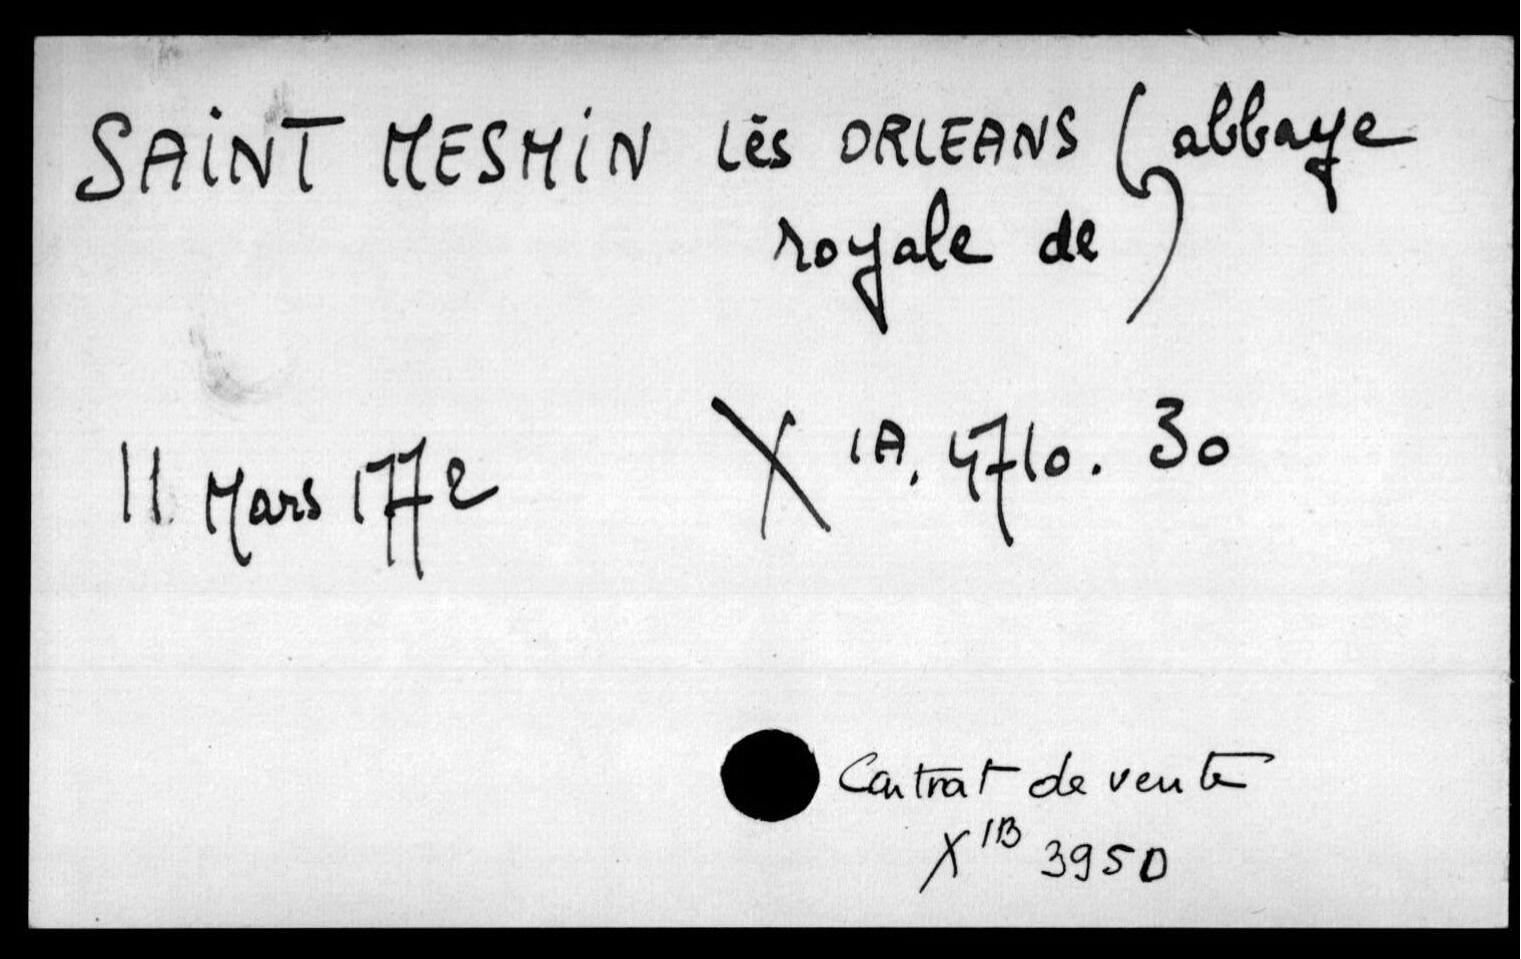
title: SAINT MESMIN lés ORLEANS (abbaye royale de)
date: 11 mars 1772
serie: X1A
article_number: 4710
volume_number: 30
